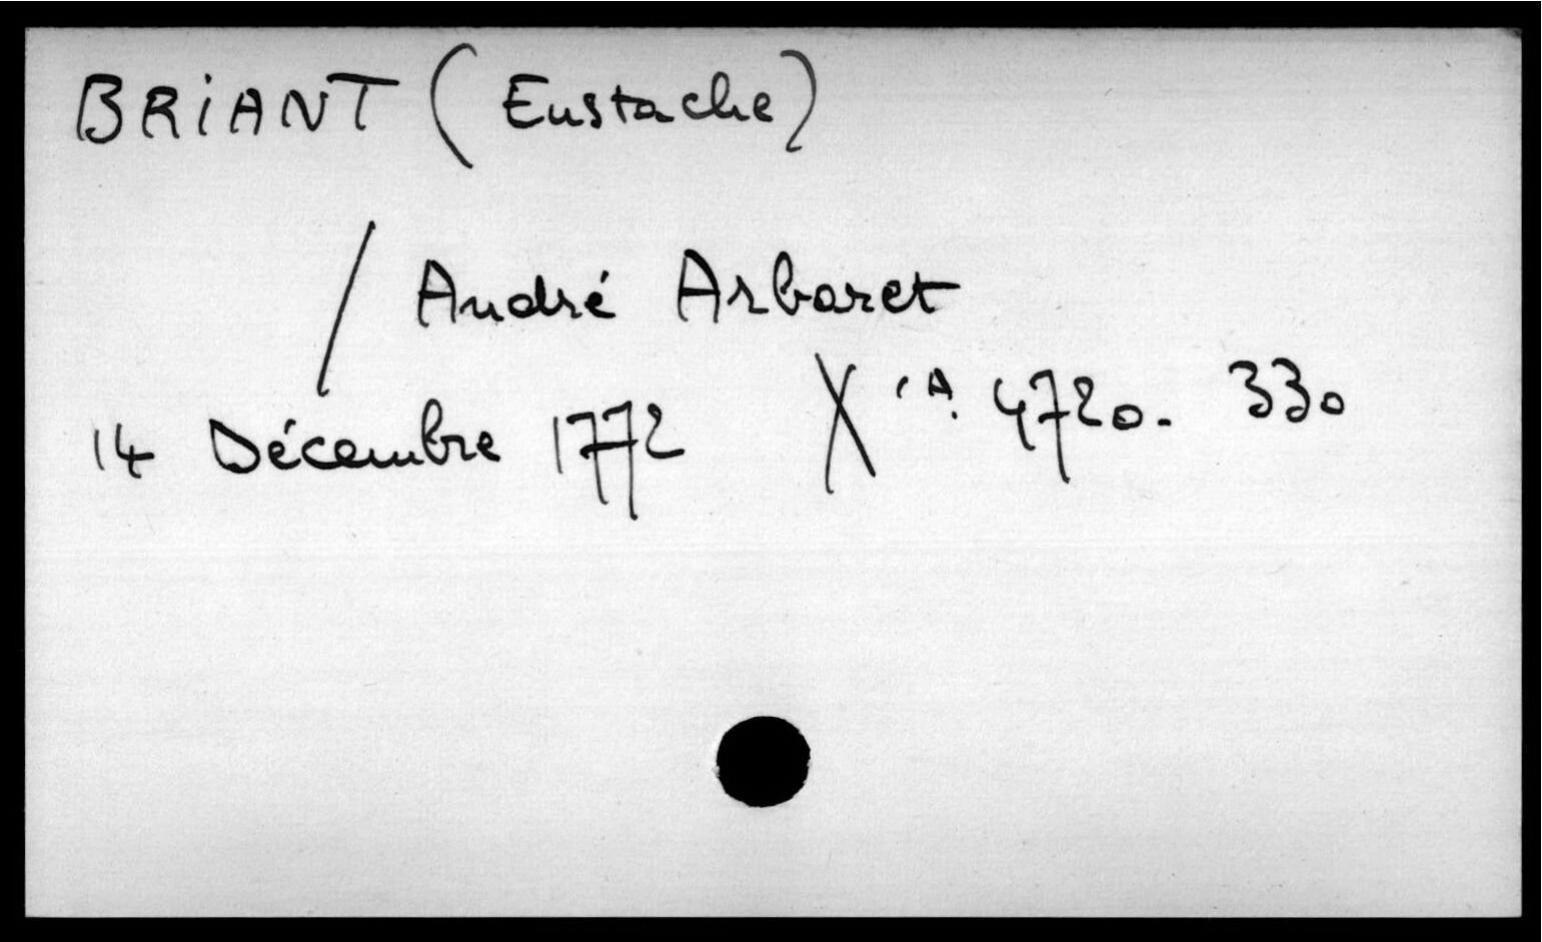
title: BRIANT (Eustache)
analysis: Contre André Arbaret
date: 14 décembre 1772
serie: X1A
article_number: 4720
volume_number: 330
